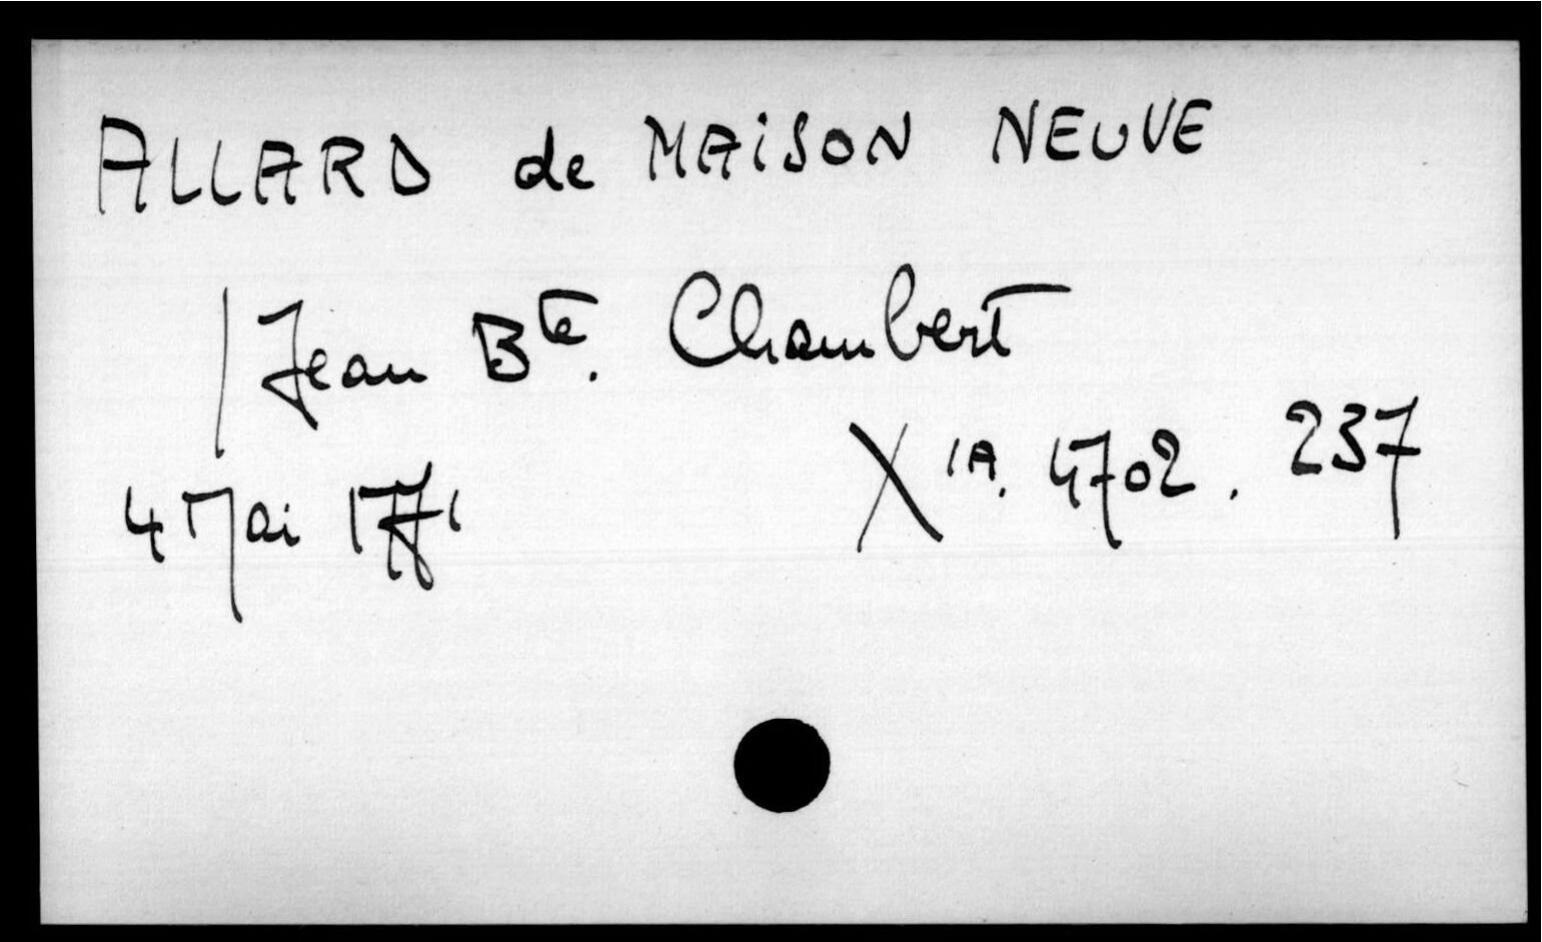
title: ALLARD de MAISON NEUVE
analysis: Contre Jean Baptiste Chambert
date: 4 mai 1771
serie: X1A
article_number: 4702
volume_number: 237
